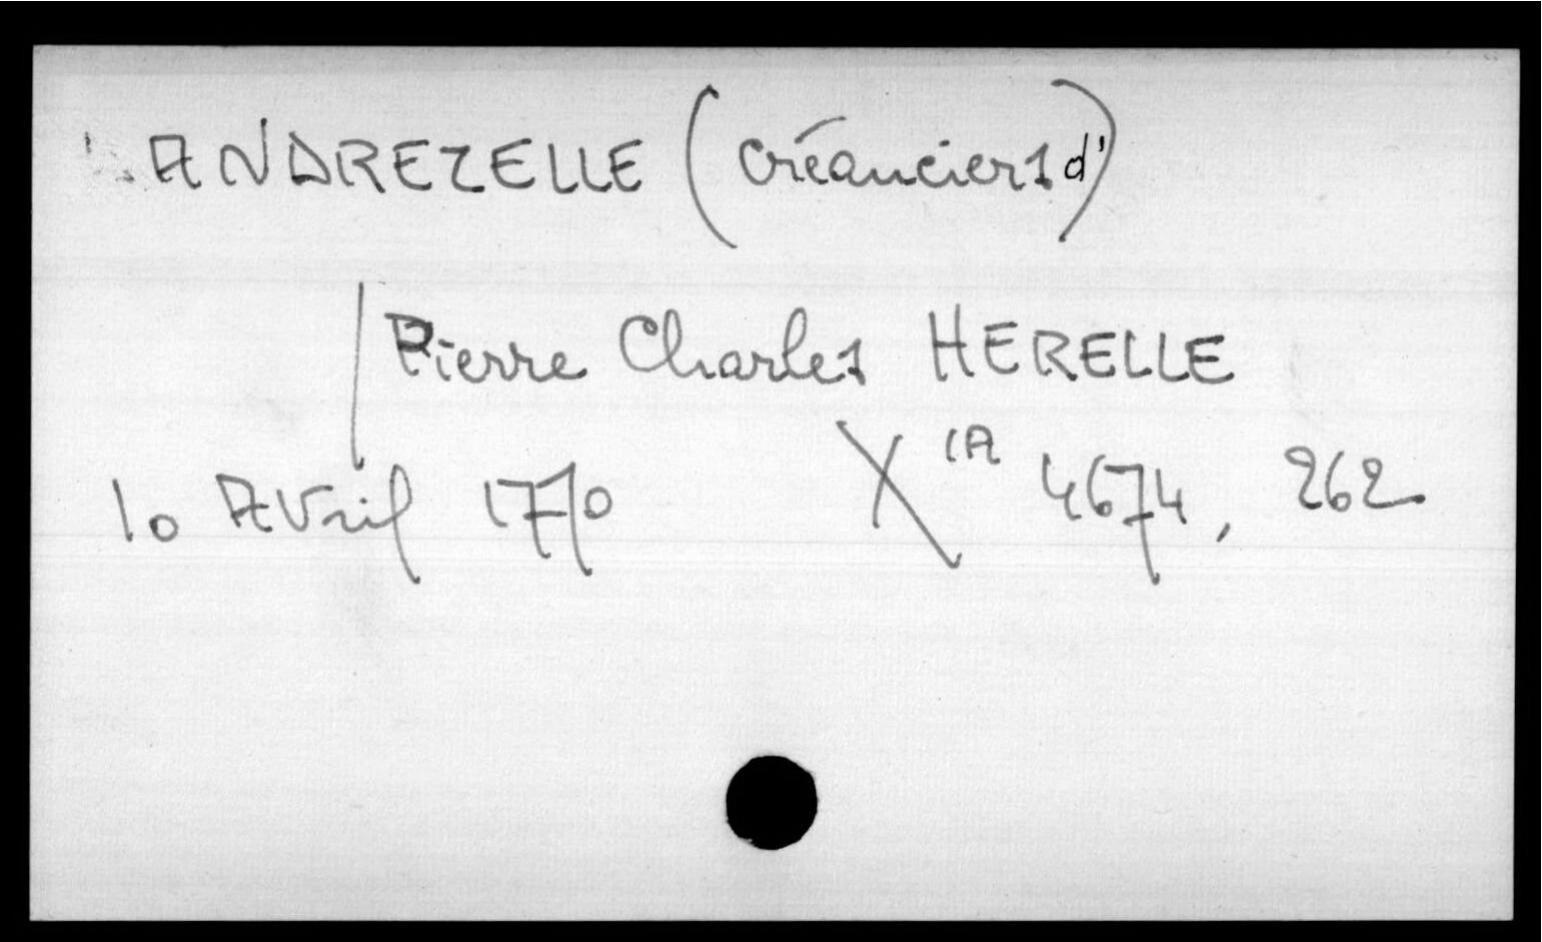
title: ANDREZELLE (créanciers d')
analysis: Contre Pierre Charles Herelle
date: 10 avril 1770
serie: X1A
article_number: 4674
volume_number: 262
